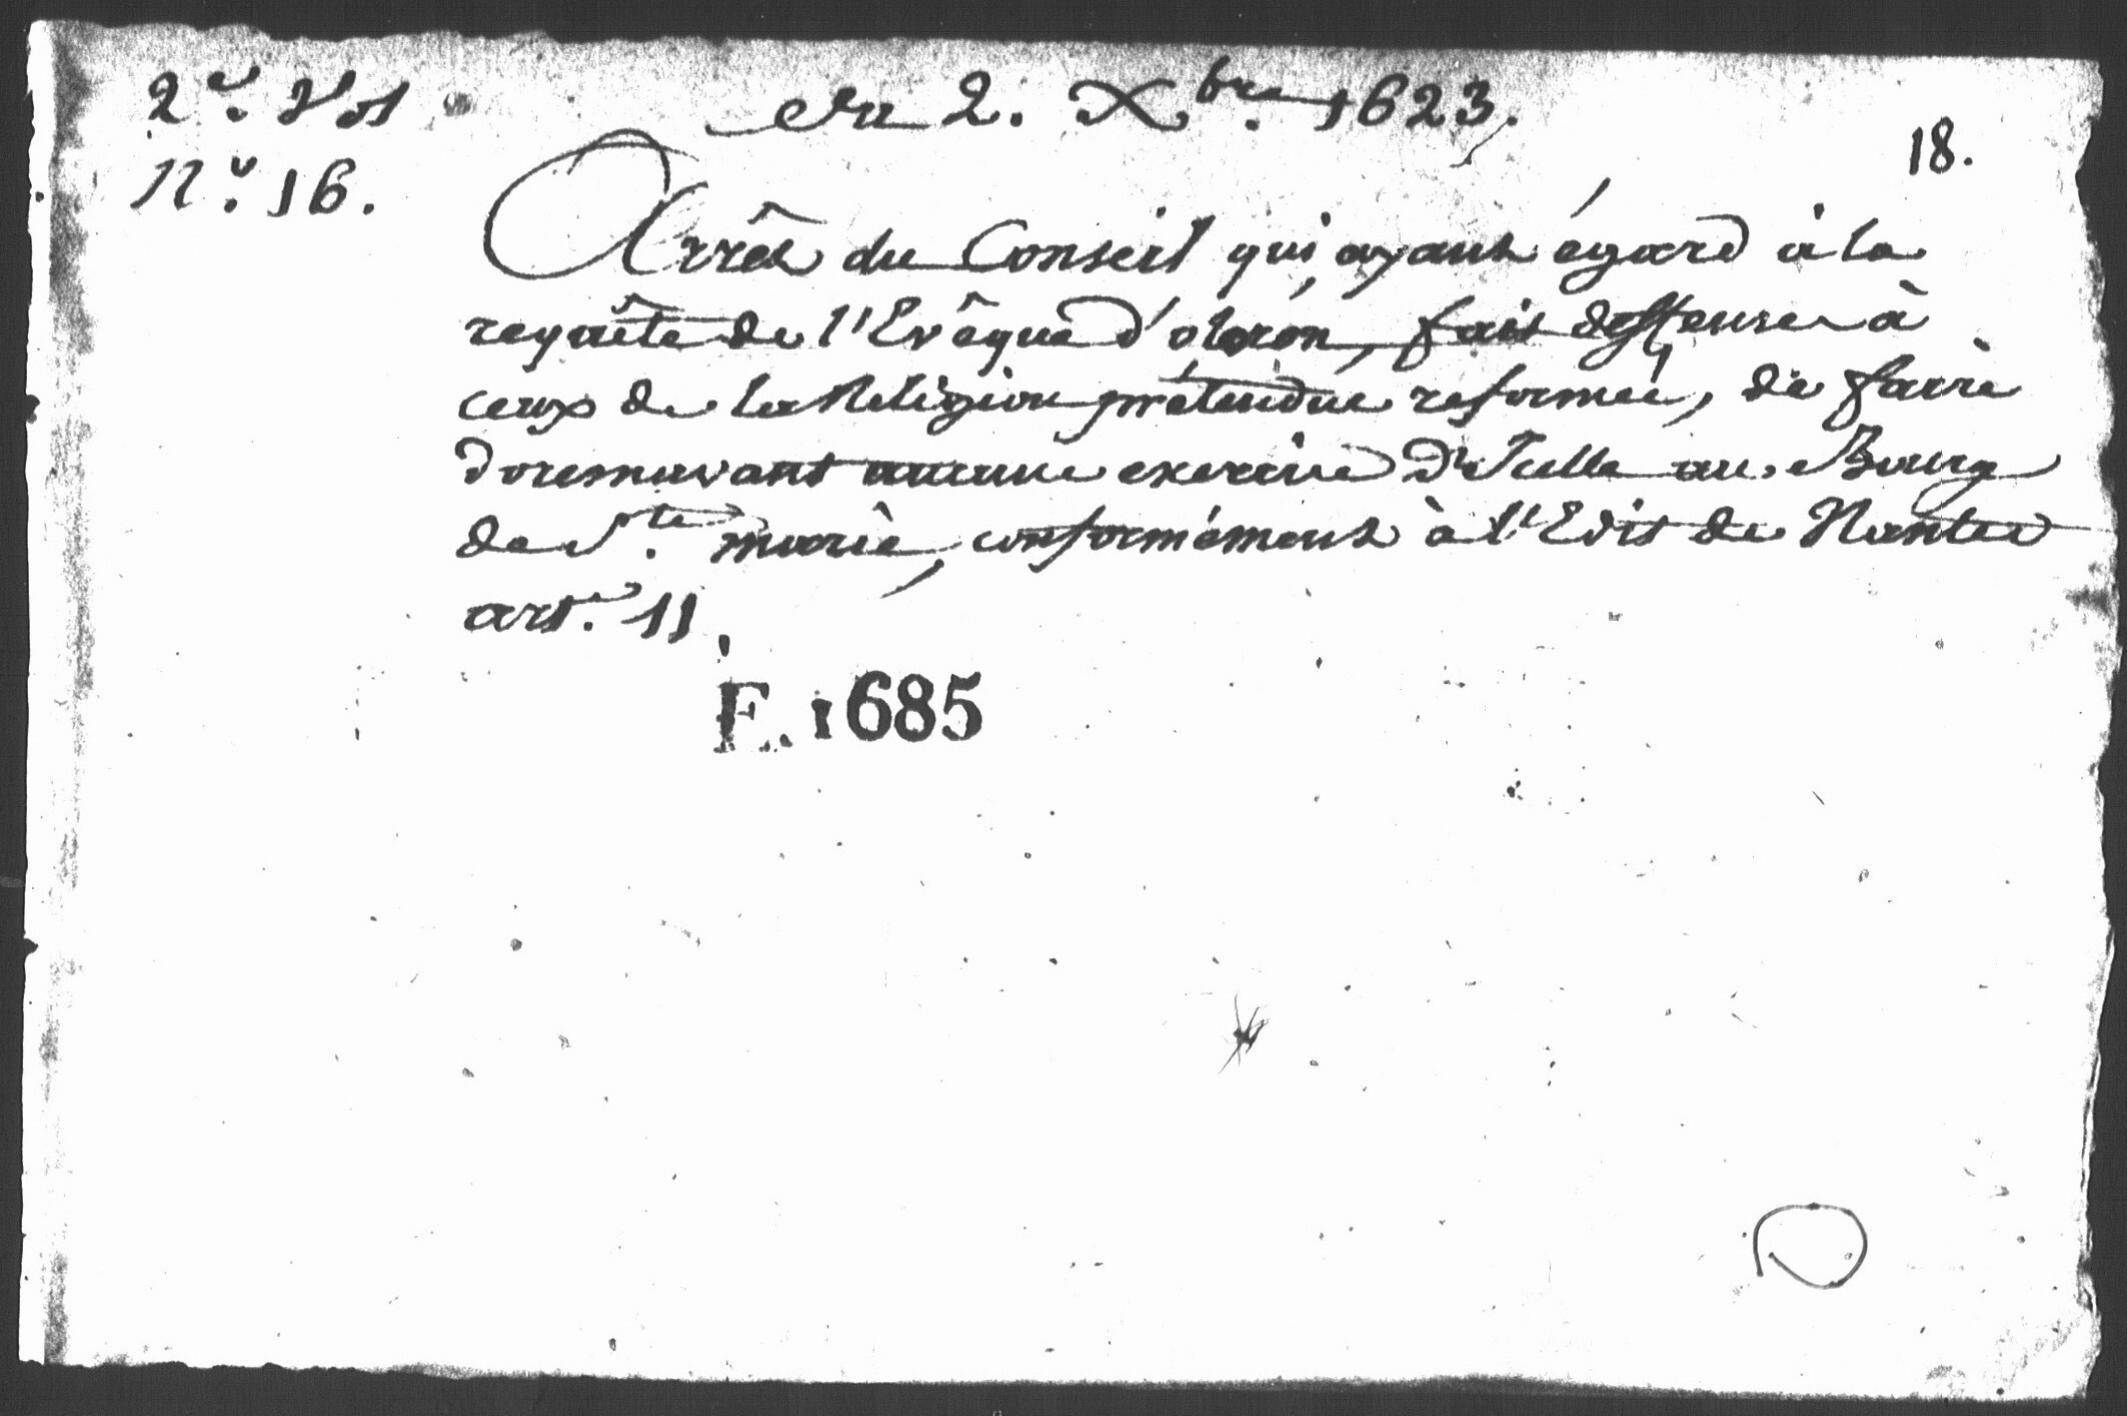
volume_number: n°16
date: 2 décembre 1623
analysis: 18
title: Arrêt du Conseil qui ayant égard à la requête de l'Evêque d'Oloron, fait deffenses à ceux de la Religion prétendue reformée, de faire doresnavant aucun exercice d'icelle au bourg de S.te Marie, conformément à l'Edit de Nantes art.e 11
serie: E
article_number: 1685
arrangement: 2e vol.
